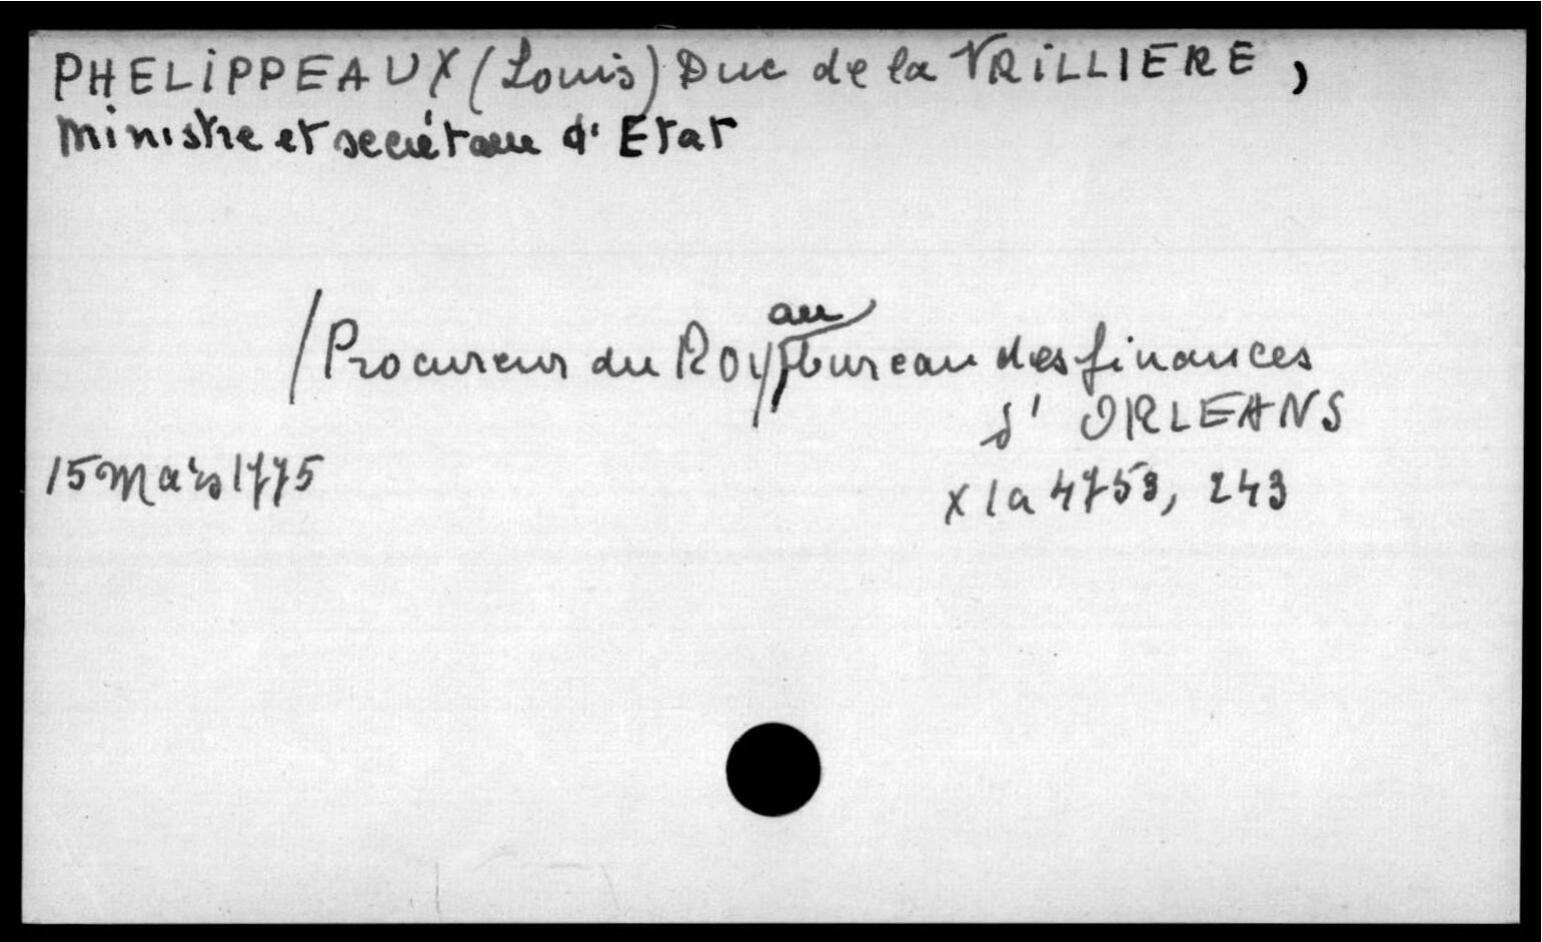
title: PHELIPPEAUX (Louis) Duc de la VRILLIERE, ministre et secrétaire d'État
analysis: Contre Procureur du Roy au bureau des finances d'Orléans
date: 15 mars 1775
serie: X1a
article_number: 4759
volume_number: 243
